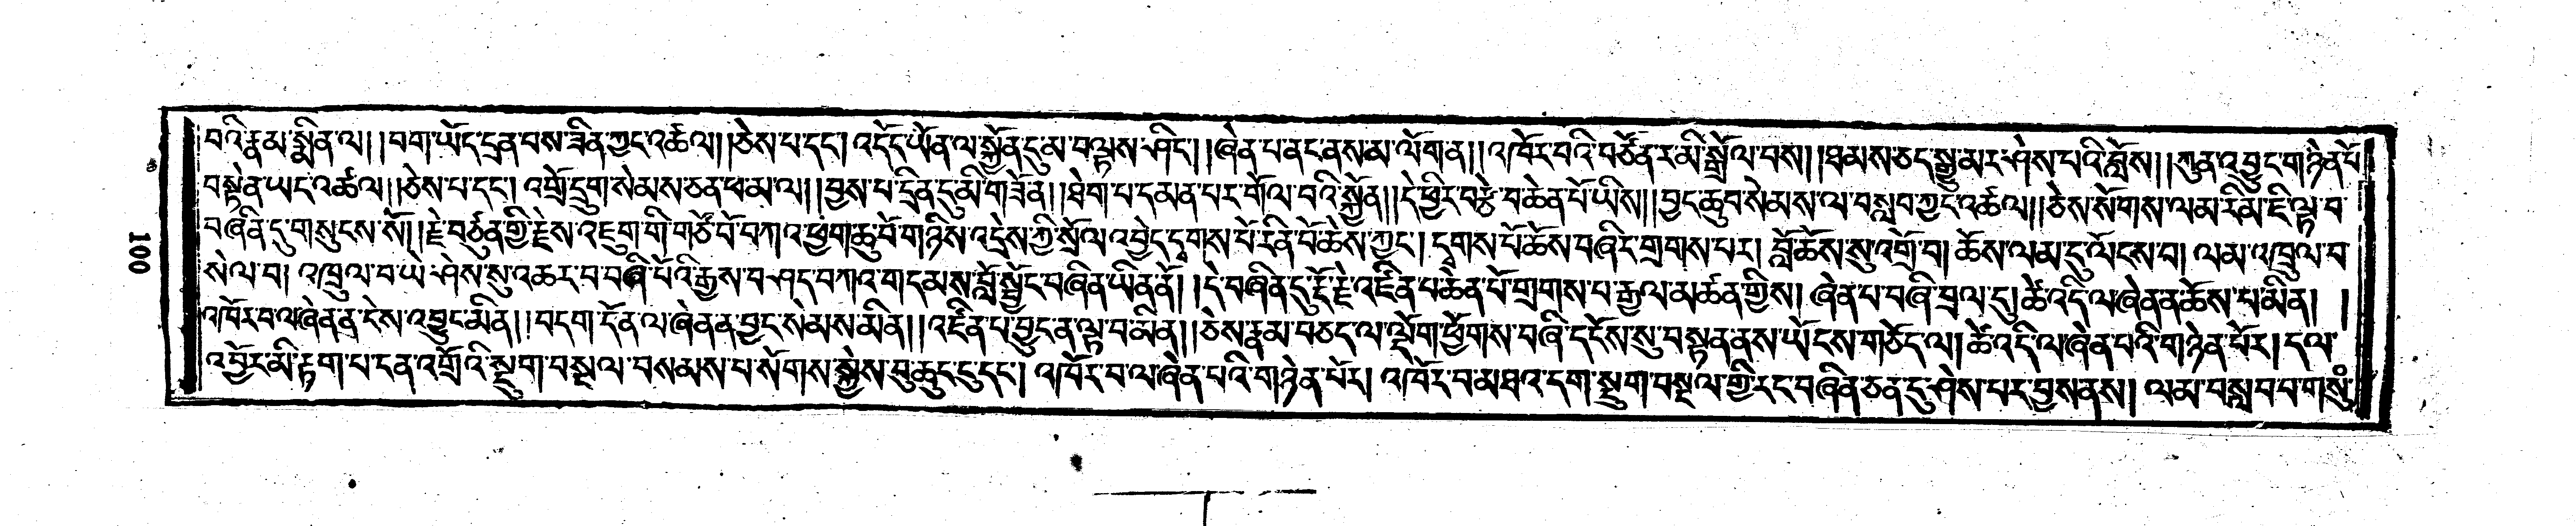བའི་རྣམ་སྨིན་ལ། །བག་ཡོད་དྲན་པས་ཟིན་ཀྱང་འཚལ། །ཅེས་པ་དང་། འདོད་ཡོན་ལ་སྐྱོན་དུ་མ་བལྟས་ཤིང་། །ཞེན་པ་ནང་ནས་མ་ལོག་ན། །འཁོར་བའི་བཙོན་ར་མི་སྒྲོལ་བས། །ཐམས་ཅད་སྒྱུ་མར་ཤེས་པའི་བློས། །ཀུན་འབྱུང་གཉེན་པོ་
བསྟེན་ཡང་འཚལ། །ཅེས་པ་དང་། འགྲོ་དྲུག་སེམས་ཅན་ཕ་མ་ལ། །བྱས་པ་དྲིན་དུ་མི་གཟོ་ན། །ཐེག་པ་དམན་པར་གོལ་བའི་སྐྱོན། །དེ་ཕྱིར་བརྩེ་བ་ཆེན་པོ་ཡིས། །བྱང་ཆུབ་སེམས་ལ་བསླབ་ཀྱང་འཚལ། །ཅེས་སོགས་ལམ་རིམ་ཇི་ལྟ་བ་
བཞིན་དུ་གསུངས་སོ། །རྗེ་བཙུན་གྱི་རྗེས་འཇུག་གི་གཙོ་བོ་བཀའ་ཕྱག་ཆུ་བོ་གཉིས་འདྲེས་ཀྱི་སྲོལ་འབྱེད་དྭགས་པོ་རིན་པོ་ཆེས་ཀྱང་། དྭགས་པོ་ཆོས་བཞིར་གྲགས་པར། བློ་ཆོས་སུ་འགྲོ་བ། ཆོས་ལམ་དུ་ལོངས་པ། ལམ་འཁྲུལ་པ་
སེལ་བ། འཁྲུལ་པ་ཡེ་ཤེས་སུ་འཆར་བ་བཞི་པོའི་རྒྱས་བཤད་བཀའ་གདམས་བློ་སྦྱོང་བཞིན་ཡིན་ནོ། །དེ་བཞིན་དུ་རྡོ་རྗེ་འཛིན་པ་ཆེན་པོ་གྲགས་པ་རྒྱལ་མཚན་གྱིས། ཞེན་པ་བཞི་བྲལ་དུ། ཚེ་འདི་ལ་ཞེན་ན་ཆོས་པ་མིན། །
འཁོར་བ་ལ་ཞེན་ན་ངེས་འབྱུང་མིན། །བདག་དོན་ལ་ཞེན་ན་བྱང་སེམས་མིན། །འཛིན་པ་བྱུང་ན་ལྟ་བ་མིན། །ཅེས་རྣམ་བཅད་ལ་ལྡོག་ཕྱོགས་བཞི་དངོས་སུ་བསྟན་ནས་ཡོངས་གཅོད་ལ། ཚེ་འདི་ལ་ཞེན་པའི་གཉེན་པོར། དལ་
འབྱོར་མི་རྟག་པ་ངན་འགྲོའི་སྡུག་བསྔལ་བསམས་པ་སོགས་སྐྱེས་བུ་ཆུང་ངུ་དང་། འཁོར་བ་ལ་ཞེན་པའི་གཉེན་པོར། འཁོར་བ་མཐའ་དག་སྡུག་བསྔལ་གྱི་རང་བཞིན་ཅན་དུ་ཤེས་པར་བྱས་ནས། ལམ་བསླབ་པ་གསུམ་